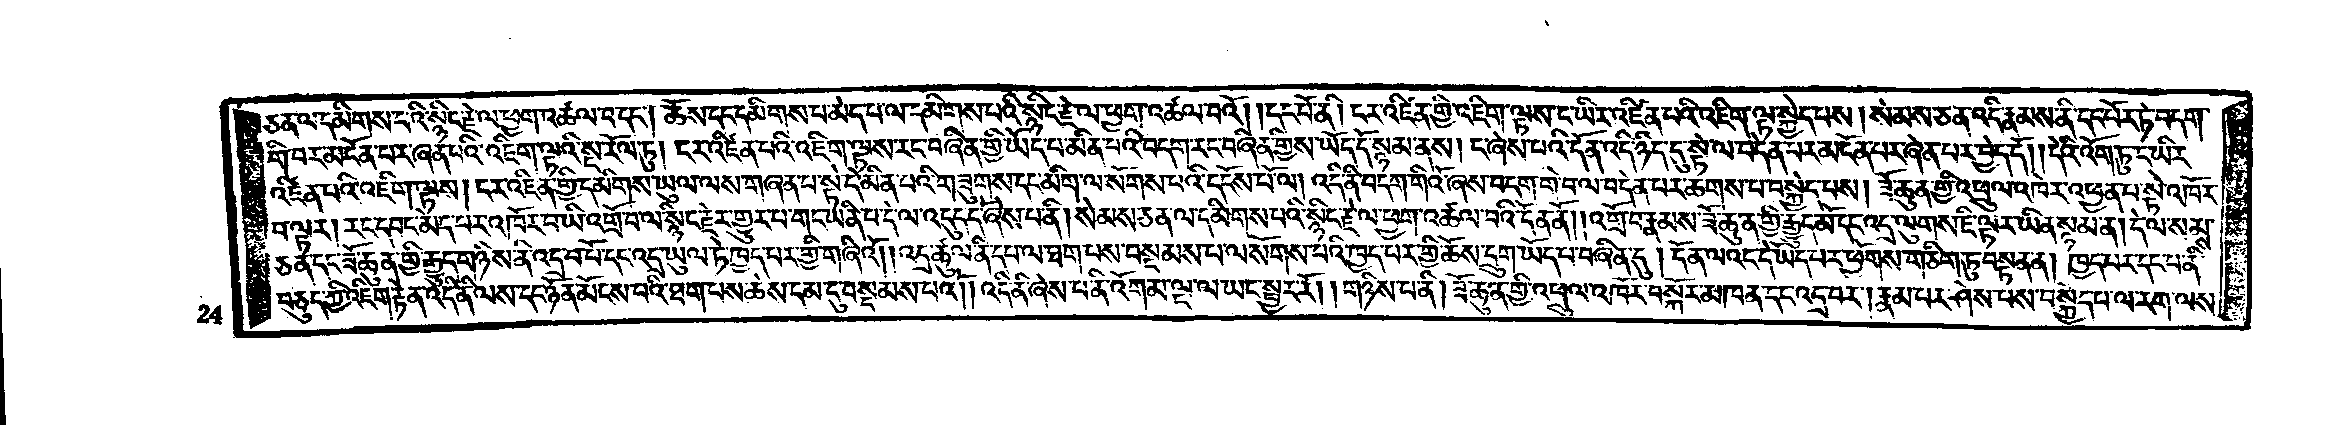ཅན་ལ་དམིགས་པའི་སྙིང་རྗེ་ལ་ཕྱག་འཚལ་བ་དང་། ཆོས་དང་དམིགས་པ་མེད་པ་ལ་དམིགས་པའི་སྙིང་རྗེ་ལ་ཕྱག་འཚལ་བའོ། །དང་པོ་ནི། ངར་འཛིན་གྱི་འཇིག་ལྟས་ང་ཡིར་འཛིན་པའི་འཇིག་ལྟ་སྐྱེད་པས། སེམས་ཅན་འདི་རྣམས་ནི་དང་པོར་ཏེ་བདག་
གི་བར་མངོན་པར་ཞན་པའི་འཇིག་ལྟའི་སྔ་རོལ་ཏུ། ངར་འཛིན་པའི་འཇིག་ལྟས་རང་བཞིན་གྱི་ཡོད་པ་མིན་པའི་བདག་རང་བཞིན་གྱིས་ཡོད་དོ་སྙམ་ནས། ང་ཞེས་པའི་དོན་འདི་ཉིད་དུ་སྟེ་ལ་བདེན་པར་མངོན་པར་ཞེན་པར་བྱེད་དོ། །དེའི་འོག་ཏུ་ང་ཡིར་
འཛིན་པའི་འཇིག་ལྟས། ངར་འཛིན་གྱི་དམིགས་ཡུལ་ལས་གཞན་པ་སྟེ་དེ་མིན་པའི་གཟུགས་དང་མིག་ལ་སོགས་པའི་དངོས་པོ་ལ། འདི་ནི་བདག་གིའོ་ཞེས་བདག་གི་བ་ལ་བདེན་པར་ཆགས་པ་བསྐྱེད་པས། ཟོ་ཆུན་གྱི་འཕྲུལ་འཁོར་འཕྱན་པ་སྟེ་འཁོར་
བ་ལྟར། རང་དབང་མེད་པར་འཁོར་བ་ཡི་འགྲོ་བ་ལ་སྙིང་རྗེར་གྱུར་པ་གང་ཡིན་པ་དེ་ལ་འདུད་དོ་ཞེས་པ་ནི། སེམས་ཅན་ལ་དམིགས་པའི་སྙིང་རྗེ་ལ་ཕྱག་འཚལ་བའི་དོན་ནོ། །འགྲོ་པ་རྣམས་ཟོ་ཆུན་གྱི་རྒྱུད་མོ་དང་འདྲ་ལུགས་ཇི་ལྟར་ཡིན་སྙམ་ན། དེ་ལ་སེམས་
ཅན་དང་ཟོ་ཆུན་གྱི་རྒྱུད་གཉིས་ནི་འདྲ་བ་པོ་དང་འདྲ་ཡུལ་ཏེ་ཁྱད་པར་གྱི་གཞིའོ། །འདྲ་ཚུལ་ནི་དཔེ་ལ་ཐག་པས་བསྡམས་པ་ལ་སོགས་པའི་ཁྱད་པར་གྱི་ཆོས་དྲུག་ཡོད་པ་བཞིན་དུ། དོན་ལའང་དེ་ཡོད་པར་ཕྱོགས་གཅིག་ཏུ་བསྟན་ན། ཁྱད་པར་དང་པ་ནི་
བཅུད་ཀྱི་འཇིག་རྟེན་འདི་ནི་ལས་དང་ཉོན་མོངས་པའི་ཐག་པས་ཆེས་དམ་དུ་བསྡམས་པའོ། །འདི་ནི་ཞེས་པ་ནི་འོག་མ་ལྔ་ལ་ཡང་སྦྱར་རོ། །གཉིས་པ་ནི། ཟོ་ཆུན་གྱི་འཕྲུལ་འཁོར་བསྐོར་མཁན་དང་འདྲ་བར། རྣམ་པར་ཤེས་པས་བསྐྱེད་པ་ལ་རག་ལས་